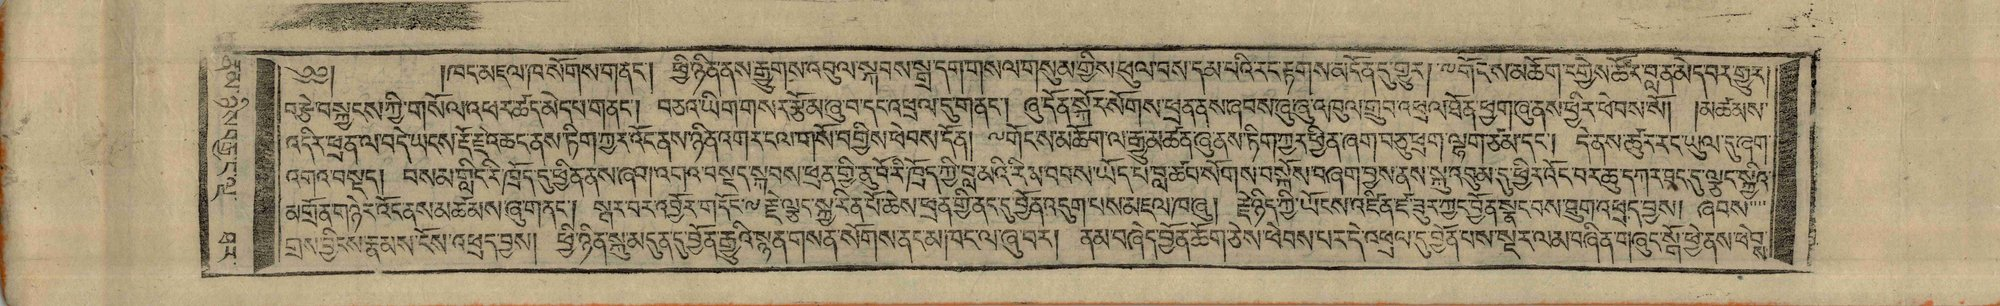༄༅། །ཁང་མཇལ་ཁ་སོགས་གནང་། ཕྱི་ཉིན་ནས་རྒྱུགས་འབུལ་སྐབས་སྒྲ་དག་གསལ་གསུམ་གྱིས་ཕུལ་བས་དམ་པའི་རང་རྟགས་མངོན་དུ་གྱུར། ༧གོང་ས་མཆོག་དགྱེས་ཚོར་བླ་ན་མེད་པར་གྱུར།
བརྩེ་བསྐྱངས་ཀྱི་གསོལ་འཕར་ཚད་མེད་པ་གནང་། བཅའ་ཡིག་གསར་རྩོམ་ཞུ་བ་དང་འཕྲལ་དུ་གནང་། ཞུ་དོན་སྐོར་སོགས་ཕྲན་ནས་ཞབས་ཞུ་ཞུ་འཁུལ་གྲུབ་འཕྲལ་ཐོན་ཕྱག་ཞུ་ནས་ཕྱིར་ཕེབས་སོ། །མཚམས་
འདིར་ཕྲན་ལ་བདེ་ཡངས་རྡོ་རྗེ་འཆང་ནས་ཏིག་ཀྱར་འོང་ནས་ཉིན་འགར་ངལ་གསོ་བགྱིས་ཕེབས་དོན། ༧གོང་ས་མཆོག་ལ་རྒྱུ་མཚན་ཞུ་ནས་ཏིག་ཀྱར་ཕྱིན་ཞག་བཅུ་ཕྲག་ལྷག་ཙམ་དང་། དེ་ནས་ཚུར་རང་ཡུལ་དུ་ཞག་
འགའ་བསྡད། བསམ་གླིང་རི་ཁྲོད་དུ་ཕྱིན་ནས་ཞག་འགའ་བསྡད་སྐབས་ཕྲན་གྱི་ནུ་བོ་རི་ཁྲོད་ཀྱི་བླ་མའི་རིམ་བབས་ཡོད་པ་བླ་ཚབ་སོགས་བསྐོས་བཞག་བྱས་ནས་སྐུ་འབུམ་དུ་ཕྱིར་འོང་བར་ཆུ་དཀར་ཐང་དུ་ལྕང་སྐྱའི་
མགྲོན་གཉེར་འོང་ནས་མཚམས་ཞུ་གནང་། སྒར་བར་འབྱོར་གདོང་༧་རྗེ་ལྕང་སྐྱ་རིན་པོ་ཆེས་ཕྲན་གྱི་ནང་དུ་བྱོན་འདུག་པས་མཇལ་ཁ་ཞུ། རྗེ་ཉིད་ཀྱི་ཡོངས་འཛིན་ཛ་ཟུར་ཀྱང་བྱོན་སྣང་བས་ཐུག་འཕྲད་བྱས། ཞབས་
གྲས་བྱིངས་རྣམས་ངོས་འཕྲད་བྱས། ཕྱི་ཉིན་སྐུ་མདུན་དུ་བྱོན་རྒྱུའི་སྙན་གསན་སོགས་ནང་མ་ཁང་ལ་ཞུ་བར། ནམ་བཞེད་བྱོན་ཆོག་ཅེས་ཕེབས་པར་དེ་འཕྲལ་དུ་བྱོན་པས་སྔར་ལམ་བཞིན་གཞུང་སྒོ་ཕྱེ་ནས་ཕེབས་